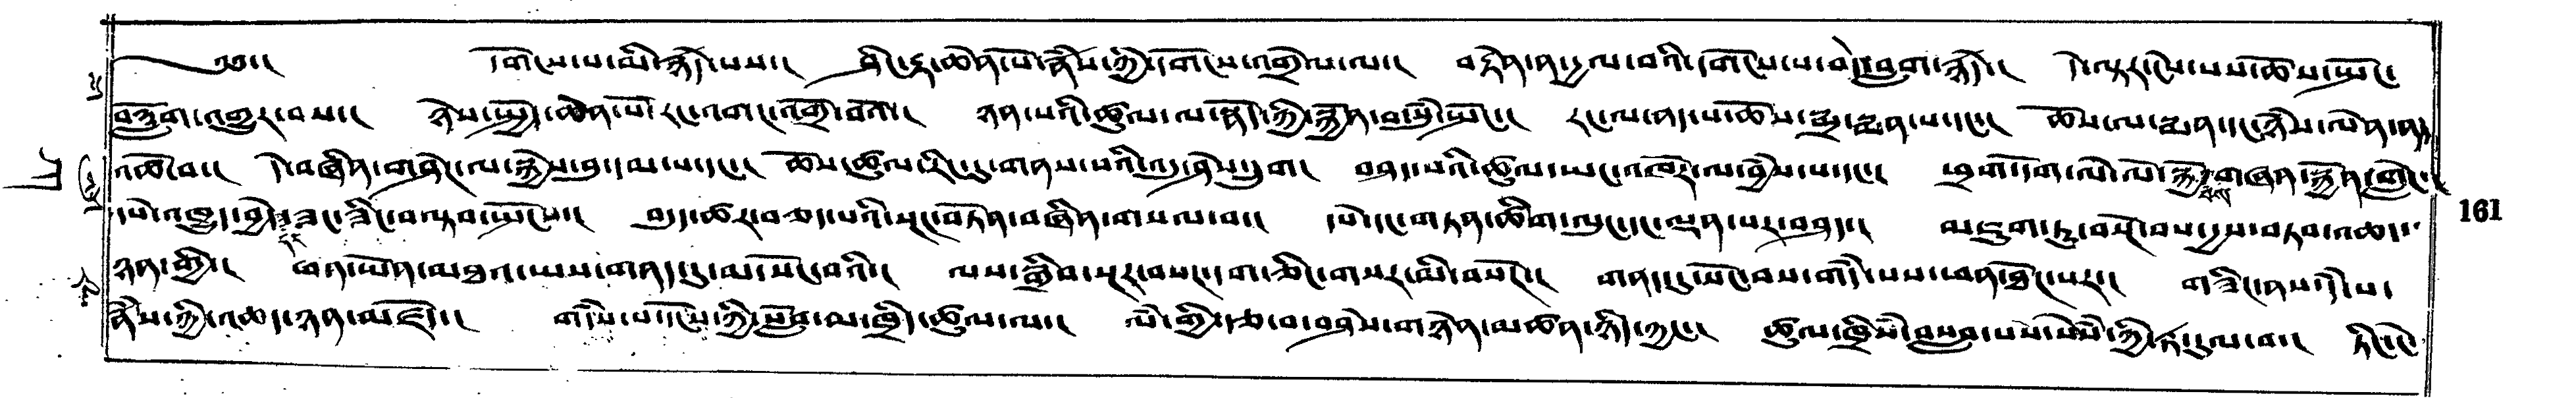དགོངས་པ་མི་རྙེད་པས། །ཤིང་རྟ་ཆེན་པོ་རྣམས་ཀྱི་དགོངས་འགྲེལ་ལ། །བརྟེན་ན་རྒྱལ་བའི་དགོངས་པ་བདེ་བླག་རྙེད། །དེ་ལྟར་ངེས་པས་ཆོས་སྤོང་
བཟློག་འགྱུར་བས། །ཉེས་སྤྱོད་ཆེན་པོ་རང་འགགས་འགྲོ་བའོ། །ཉན་པའི་ཚུལ་ལ་སྣོད་ཀྱི་སྐྱོན་གསུམ་སྤོངས། །རང་ལ་ནད་པ་ཆོས་སྨྲ་སྨན་པ་དང་། །ཆོས་ལ་སྨན་དང་ཉམས་ལེན་ནད་
འཚོ་བ། །དེ་བཞིན་གཤེགས་ལ་སྐྱེས་བུ་དམ་པ་དང་། །ཆོས་ཚུལ་རིང་དུ་གནས་པའི་འདུ་ཤེས་དྲུག བཤད་པའི་ཚུལ་ཡང་འཁོར་ལ་བྱམས་པ་དང་། །ཕྲག་དོག་ལེ་ལོ་སྐྱོ་བས་གཞན་སྐྱོན་གླེང་། །
དཔེ་འཁྱུད་བྱེད་དང་ཟང་ཟིང་བལྟ་བ་སྤོངས། །བདུད་ཚར་གཅོད་པའི་སྔགས་བཏོན་བཞིན་གསལ་བས། །དཔེ་དང་གཏན་ཚིགས་ལུང་དང་ལྡན་པར་བཤད། །མཇུག་ཏུ་བསྔོ་བས་རྒྱས་བཏབ་འཆད་
ཉན་གྱི། །ཕན་ཡོན་མཐའ་ཡས་གནད་དུ་མ་སོང་བའི། །ལས་སྒྲིབ་སྔར་བསགས་དག་ཅིང་གསར་མི་བསོག །གནད་དུ་སོང་བས་གདམ་པས་ཕན་ཐོགས་པར། །གཟིགས་ནས་དམ་པ་
རྣམས་ཀྱིས་འཆད་ཉན་མཛོད། །གདམས་པ་དངོས་ཀྱི་སློབ་མ་ཁྲིད་ཚུལ་ལ། །ལམ་གྱི་རྩ་བ་བཤེས་གཉེན་མཚན་ཉིད་ཀྱང་། །ཚུལ་ཁྲིམས་བསླབ་པས་སེམས་ཀྱི་རྟ་དུལ་བ། །ཏིང་ངེ་